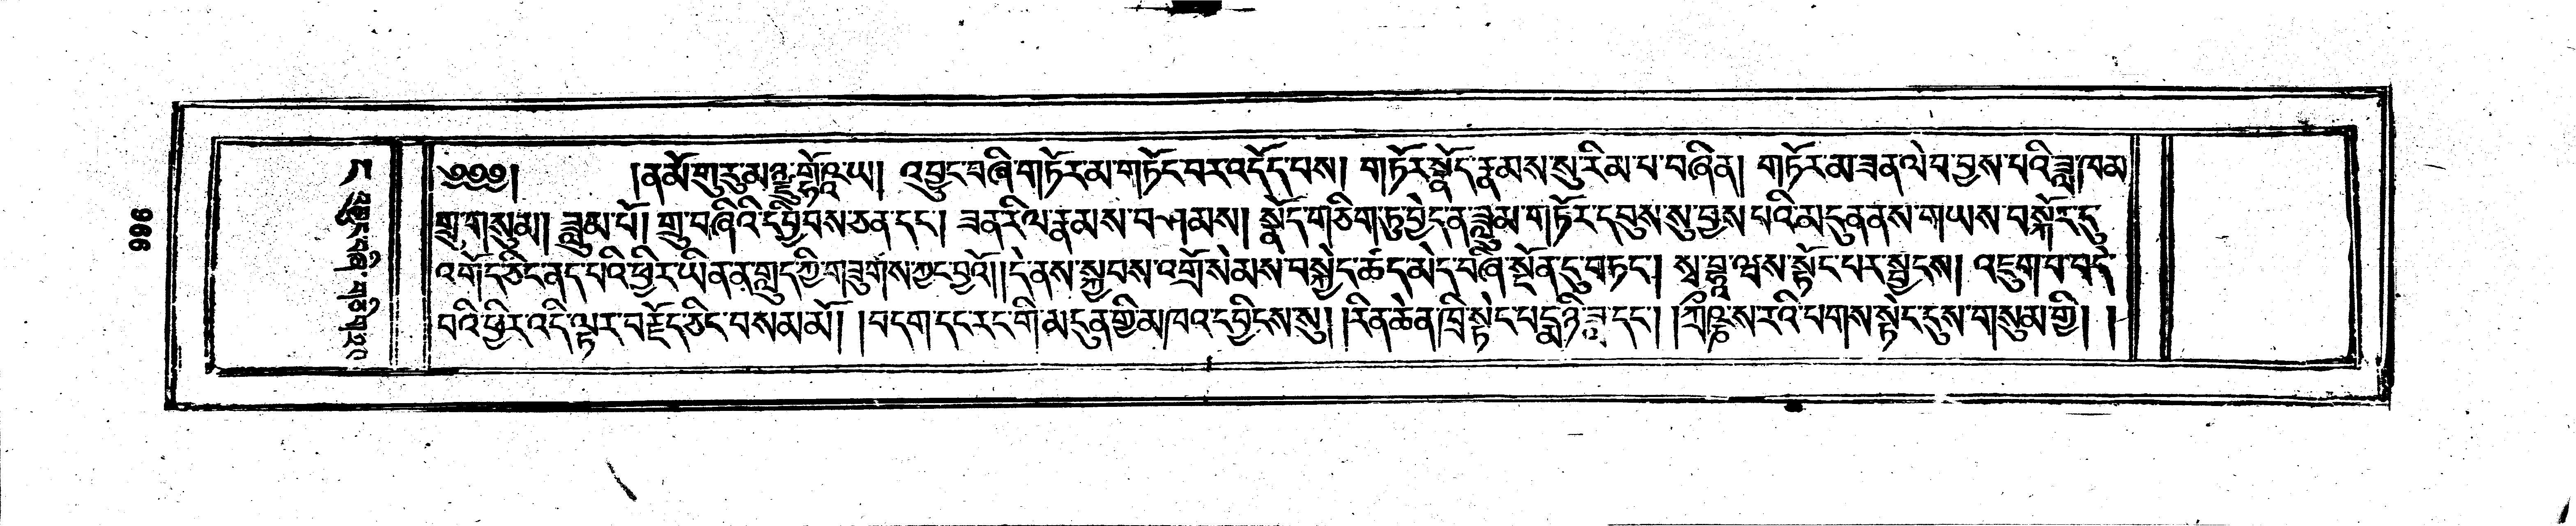༄༅༅། །ན་མོ་གུ་རུ་མཉྫུ་གྷོ་ཥཱ་ཡ། འབྱུང་བཞི་གཏོར་མ་གཏོང་བར་འདོད་པས། གཏོར་སྣོད་རྣམས་སུ་རིམ་པ་བཞིན། གཏོར་མ་ཟན་ལེབ་བྱས་པའི་ཟླ་ཁམ་
གྲུ་གསུམ། ཟླུམ་པོ། གྲུ་བཞིའི་དབྱིབས་ཅན་དང་། ཟན་རིལ་རྣམས་བཤམས། སྣོད་གཅིག་ཏུ་བྱེད་ན་ཟླུམ་གཏོར་དབུས་སུ་བྱས་པའི་མདུན་ནས་གཡས་བསྐོར་དུ་
འགོད་ཅིང་ནད་པའི་ཕྱིར་ཡིན་ན་གླུད་ཀྱི་གཟུགས་ཀྱང་བྱའོ། །དེ་ནས་སྐྱབས་འགྲོ་སེམས་བསྐྱེད་ཚད་མེད་བཞི་སྔོན་དུ་བཏང་། སྭ་བྷཱ་ཝས་སྟོང་པར་སྦྱངས། འཇུག་པ་བདེ་
བའི་ཕྱིར་འདི་ལྟར་བརྗོད་ཅིང་བསམ་མོ། །བདག་དང་རང་གི་མདུན་གྱི་མཁའ་དབྱིངས་སུ། །རིན་ཆེན་ཁྲི་སྟེང་པདམ་ཉི་ཟླ་དང་། །ཀྲྀཥྞ་ས་རའི་པགས་སྟེང་དུས་གསུམ་གྱི། །